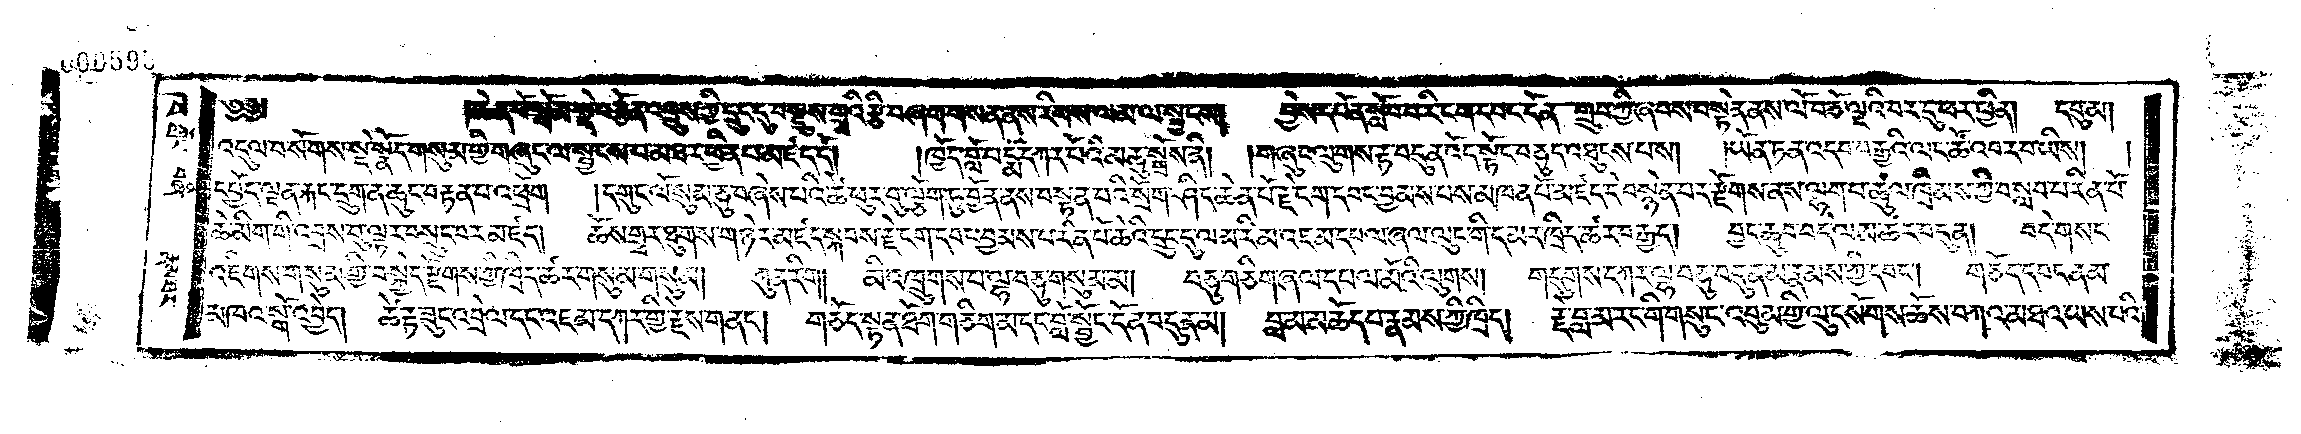༄༅། །ཆེན་པོ་སྒོམ་སྡེ་བརྩོན་འགྲུས་ཀྱི་དྲུང་དུ་བསྡུས་གྲྭའི་རྩི་བཞག་གསན་ནས་རིགས་ལམ་ལ་སྦྱངས། བྱེས་དཔོན་སློབ་བ་རི་ངག་དབང་དོན་གྲུབ་ཀྱི་ཞབས་བསྟེན་ནས་ལོ་བཅོ་ལྔའི་བར་དུ་ཕར་ཕྱིན། དབུ་མ།
འདུལ་བ་སོགས་སྡེ་སྣོད་གསུམ་གྱི་གཞུང་ལ་སྦྱངས་པ་མཐར་ཕྱིན་པ་མཛད་དོ། །ཁྱོད་བློ་པདམ་དཀར་པོའི་མཆུ་སྒྲོས་ནི། །གཞུང་ལུགས་རྟ་བདུན་འོད་སྟོང་བཅུད་འཐུངས་པས། །ཡོན་ཏན་འདབ་བརྒྱའི་ལང་ཆོ་འབར་བ་ཡིས། །
དཔྱོད་ལྡན་རྐང་དྲུག་ན་ཆུང་བརྟན་པ་འཕྲོག །དགུང་ལོ་སུམ་ཅུ་བཞེས་པའི་ཚེ་ཕུར་བུ་ལྕོག་ཏུ་བྱོན་ནས་བསྟན་པའི་སྲོག་ཤིང་ཆེན་པོ་རྗེ་ངག་དབང་བྱམས་པས་མཁན་པོ་མཛད་དེ་བསྙེན་བར་རྫོགས་ནས་ལྷག་པ་ཚུལ་ཁྲིམས་ཀྱི་བསླབ་པ་རིན་པོ་
ཆེ་མིག་གི་འབྲས་བུ་ལྟར་བསྲུང་བར་མཛད། ཆོས་གྲྭར་ཐུགས་གཉེར་མཛད་སྐབས་རྗེ་ངག་དབང་བྱམས་པ་རིན་པོ་ཆེའི་དྲུང་དུ་ལམ་རིམ་འཇམ་དཔལ་ཞལ་ལུང་གི་དམར་ཁྲིད་ཚར་བརྒྱད། བྱང་ཆུབ་བདེ་ལམ་ཚར་བདུན། བདེ་གསང་
འཇིགས་གསུམ་གྱི་བསྐྱེད་རྫོགས་ཀྱི་ཁྲིད་ཚར་གསུམ་གསུམ། ཀུན་རིག། མི་འཁྲུགས་པ་ལྷ་བཅུ་གསུམ་མ། བཅུ་གཅིག་ཞལ་དཔལ་མོའི་ལུགས། གདུགས་དཀར་ལྷ་བཅུ་བདུན་མ་རྣམས་ཀྱི་དབང་། གཅོད་དབང་ནམ་
མཁའ་སྒོ་འབྱེད། ཚེ་རྟ་ཟུང་འབྲེལ་དང་འཇམ་དཀར་གྱི་རྗེས་གནང་། གཅོད་སྟན་ཐོག་གཅིག་མ་དང་བློ་སྦྱོང་དོན་བདུན་མ། བླ་མ་མཆོད་པ་རྣམས་ཀྱི་ཁྲིད། རྗེ་བླ་མ་རང་གི་གསུང་འབུམ་གྱི་ལུང་སོགས་ཆོས་བཀའ་མཐའ་ཡས་པའི་